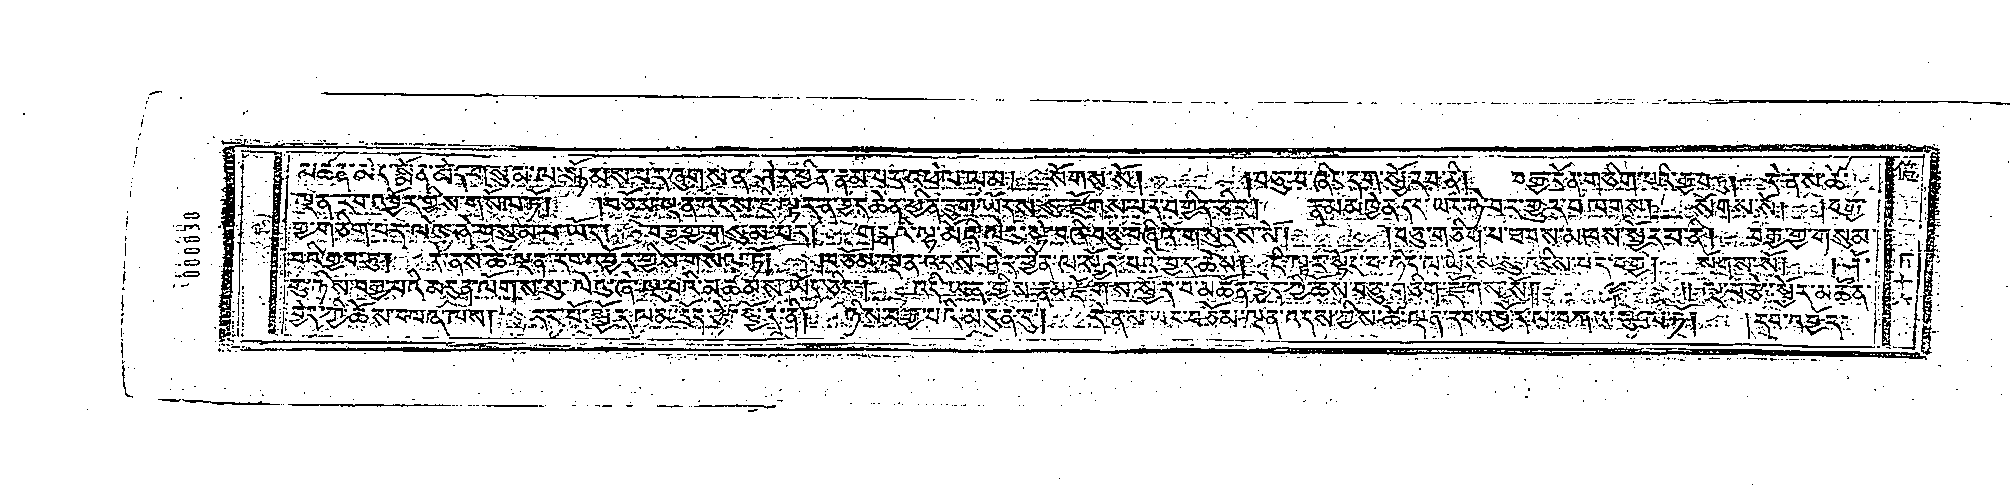མཚན་མེད་སྨོན་མེད་གསུམ་ལ་སྙོམས་པར་ཞུགས་ན་ཤེར་ཕྱིན་རྣམ་པར་འཕེལ་ལམ། སོགས་སོ། །བཅུ་བ་ཞིང་དག་སྦྱོར་བ་ནི། བརྒྱ་དོན་གཅིག་པའི་རྒྱབ་ཏུ། དེ་ནས་ཚེ་
ལྡན་རབ་འབྱོར་གྱིས་གསོལ་ཏོ། །བཅོམ་ལྡན་འདས་ཇི་ལྟར་ན་བྱང་ཆེན་ཕྱིན་དྲུག་ཡོངས་སུ་རྫོགས་པར་བགྱིད་ཅིང་། རྣམ་མཁྱེན་དང་ཡང་ཉེ་བར་གྱུར་བ་ལས། སོགས་སོ། །བརྒྱ་
གྱ་གཅིག་པར་ལེའུ་ཞེ་གསུམ་པ་ཡོད། བརྒྱ་གྱ་གསུམ་པར། གངྒའི་ལྷ་མོའི་ལེའུ་སྟེ་བའི་བཅུ་བཞིའོ་གསུངས་སོ། །བཅུ་གཅིག་པ་ཐབས་མཁས་སྦྱོར་བ་ནི། བརྒྱ་གྱ་གསུམ་
བའི་རྒྱབ་ཏུ། དེ་ནས་ཚེ་ལྡན་རབ་འབྱོར་གྱིས་གསོལ་ཏོ། །བཅོམ་ལྡན་འདས་ཤེར་ཕྱིན་ལ་སྤྱོད་པའི་བྱད་ཆེས། ཇི་ལྟར་སྟོང་བ་ཉིད་ལ་ཡོངས་སུ་འདྲིས་པར་བགྱི། སོགས་སོ། །ཤོ་
གུ་ཉིས་བརྒྱ་པའི་མདུན་ལོགས་སུ་ལེའུ་ཞེ་ལྔ་བའི་མཚམས་ཡོད་ཅིང་། འདི་ཡན་གྱིས་རྣམ་རྫོགས་སྦྱོར་བ་མཚོན་བྱེད་ཀྱི་ཆོས་བཅུ་གཅིག་རྫོགས་སོ།། ༈ །།ལྔ་བརྩེ་སྦྱོར་མཚོན་
བྱེད་ཀྱི་ཆོས་བལ་ཞ་ལས། དང་པོ་སྦྱོར་ལམ་དྲོད་རྩེ་སྦྱོར་ནི། ཉིས་བརྒྱ་པའི་མདུན་དུ། དེ་ནས་ཡང་བཅོམ་ལྡན་འདས་ཀྱིས་ཚེ་ལྡན་རབ་འབྱོར་ལ་བཀའ་སྩལ་ཏོ། །རབ་འབྱོར་